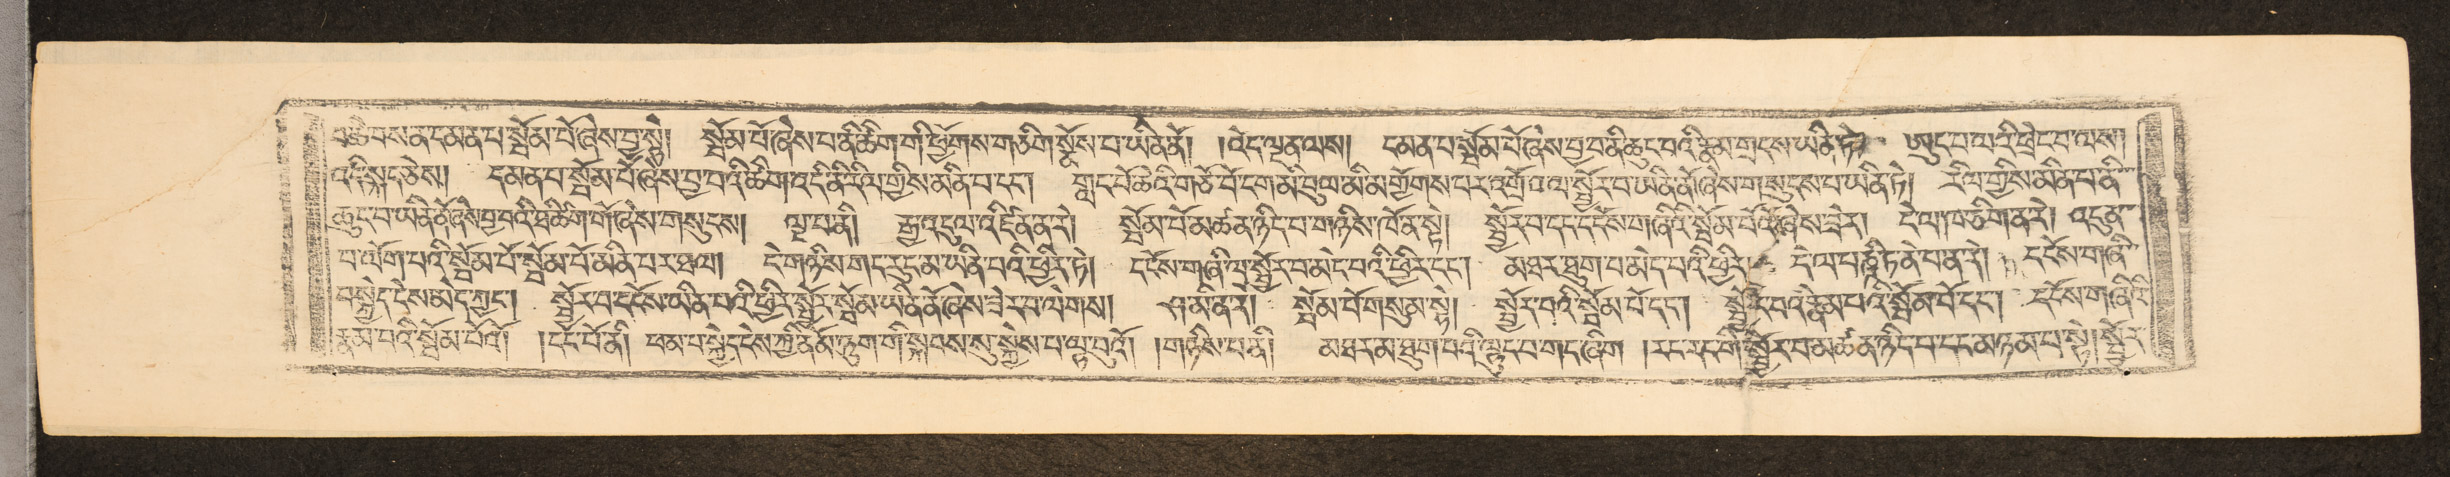བ་ཆེ་བས་ན་དམན་པ་སྦོམ་པོ་ཞེས་བྱ་སྟེ། སྦོམ་པོ་ཞེས་པ་ནི་ཚིག་གི་ཕྱོགས་གཅིག་སྨོས་པ་ཡིན་ནོ། །འོད་ལྡན་ལས། དམན་པ་སྦོམ་པོ་ཞེས་བྱ་བ་ནི་ཆུང་བའི་རྣམ་གྲངས་ཡིན་ཏེ། ཨུང་པ་ལའི་ཕྲེང་བ་ལས།
འདི་སྐད་ཅེས། དམན་པ་སྦོམ་པོ་ཞེས་བྱ་བའི་ཚིག་འདི་ནི་རིལ་གྱིས་མིན་པ་དང་། གླང་པོ་ཆེའི་གཙོ་བོ་དག་མི་བུལ་མི་མགྱོགས་པར་འགྲོ་བ་ལ་སྦྱོར་བ་ཡིན་ནོ། ཞེས་གསུངས་པ་ཡིན་ཏེ། རིལ་གྱིས་མིན་པ་ནི་
ཆུང་པ་ཡིན་ནོ་ཞེས་བྱ་བའི་ཐ་ཚིག་གོ་ཞེས་གསུངས། ལྔ་པ་ནི། རྒྱ་འདུལ་འཛིན་ན་རེ། སྦོམ་པོ་མཚན་ཉིད་པ་གཉིས་ཁོ་ན་སྟེ། སྦྱོར་བ་དང་དངོས་གཞིའི་སྦོམ་པོའོ་ཞེས་ཟེར། དེ་ལ་ཁ་ཅིག་ན་རེ། འདུན་
པ་ལོག་པའི་སྦོམ་པོ་སྦོམ་པོ་མིན་པར་ཐལ། དེ་གཉིས་གང་རུང་མ་ཡིན་པའི་ཕྱིར་ཏེ། དངོས་གཞི་ལ་སྦྱོར་བ་མེད་པའི་ཕྱིར་དང་། མཐར་ཐུག་པ་མེད་པའི་ཕྱིར། དེ་ལ་པཎྜི་ཏ་ནེ་པ་ན་རེ། དངོས་གཞི་
བསྐྱེད་ངེས་མེད་ཀྱང་། སྦྱོར་བ་དངོས་ཡིན་པའི་ཕྱིར་སྦྱོར་སྦོམ་ཡིན་ནོ་ཞེས་ཟེར་བ་ལེགས། ཤ་མི་ན་རེ། སྦོམ་པོ་གསུམ་སྟེ། སྦྱོར་བའི་སྦོམ་པོ་དང་། སྦྱོར་བའི་རྣམ་པའི་སྦོམ་པོ་དང་། དངོས་གཞིའི་
རྣམ་པའི་སྦོམ་པོའོ། །དང་བོ་ནི། ཕམ་པ་སྐྱེད་ངེས་ཀྱི་ནོམ་ཉུག་གི་སྐབས་སུ་སྐྱེས་པ་ལྟ་བུའོ། །གཉིས་པ་ནི། མཐར་མ་ཐུག་པའི་ལྟུང་བ་གང་ཞིག །རང་རང་གི་སྦྱོར་བ་མཚན་ཉིད་པ་དང་མཉམ་པ་སྟེ། སྦྱོར་